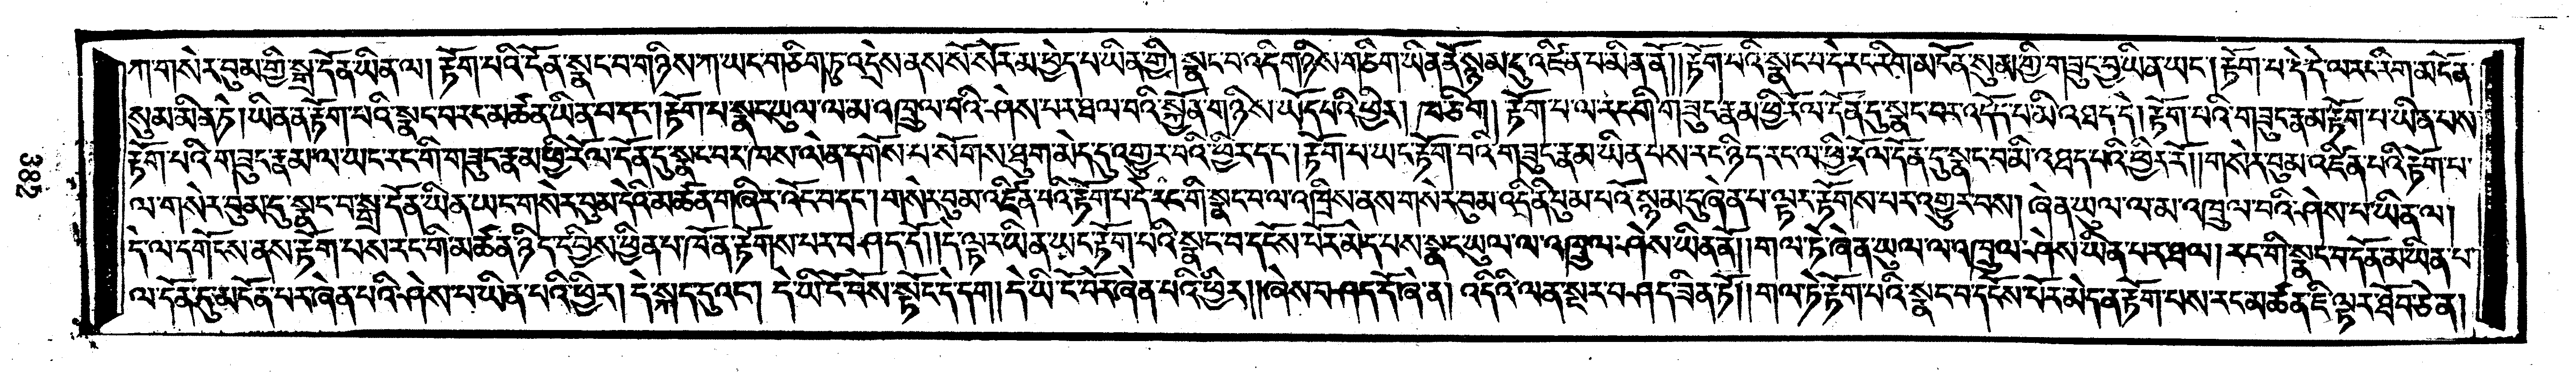ཀ་གསེར་བུམ་གྱི་སྒྲ་དོན་ཡིན་ལ། རྟོག་པའི་དོན་སྣང་བ་གཉིས་ཀ་ཡང་གཅིག་ཏུ་འདྲེས་ནས་སོ་སོར་མ་ཕྱེད་པ་ཡིན་གྱི། སྣང་བ་འདི་གཉིས་གཅིག་ཡིན་ནོ་སྙམ་དུ་འཛིན་པ་མིན་ནོ། །རྟོག་པའི་སྣང་བ་དེ་རང་རིག་མངོན་སུམ་གྱི་གཟུང་བྱ་ཡིན་ཡང་། རྟོག་པ་དེ་དེ་ལ་རང་རིག་མངོན་
སུམ་མིན་ཏེ། ཡིན་ན་རྟོག་པའི་སྣང་བ་རང་མཚན་ཡིན་པ་དང་། རྟོག་པ་སྣང་ཡུལ་ལ་མ་འཁྲུལ་བའི་ཤེས་པར་ཐལ་བའི་སྐྱོན་གཉིས་ཡོད་པའི་ཕྱིར། ཁ་ཅིག །རྟོག་པ་ལ་རང་གི་གཟུང་རྣམ་ཕྱི་རོལ་དོན་དུ་སྣང་བར་འདོད་པ་མི་འཐད་དེ། རྟོག་པའི་གཟུང་རྣམ་རྟོག་པ་ཡིན་པས་
རྟོག་པའི་གཟུང་རྣམ་ལ་ཡང་རང་གི་གཟུང་རྣམ་ཕྱི་རོལ་དོན་དུ་སྣང་བར་ཁས་ལེན་དགོས་པ་སོགས་ཐུག་མེད་དུ་འགྱུར་བའི་ཕྱིར་དང་། རྟོག་པ་ཡང་རྟོག་པའི་གཟུང་རྣམ་ཡིན་པས་རང་ཉིད་རང་ལ་ཕྱི་རོལ་དོན་དུ་སྣང་བ་མི་འཐད་པའི་ཕྱིར་རོ། །གསེར་བུམ་འཛིན་པའི་རྟོག་པ་
ལ་གསེར་བུམ་དུ་སྣང་བ་སྒྲ་དོན་ཡིན་ཡང་གསེར་བུམ་དེའི་མཚན་གཞིར་འོང་བ་དང་། གསེར་བུམ་འཛིན་པའི་རྟོག་པ་དེ་རང་གི་སྣང་བ་ལ་འཁྲས་ནས་གསེར་བུམ་འདི་ནི་བུམ་པའོ་སྙམ་དུ་ཞེན་པ་ལྟར་རྟོགས་པར་འགྱུར་བས། ཞེན་ཡུལ་ལ་མ་འཁྲུལ་བའི་ཤེས་པ་ཡིན་ལ།
དེ་ལ་དགོངས་ནས་རྟོག་པས་རང་གི་མཚན་ཉིད་དཔྱིས་ཕྱིན་པ་ཁོ་ན་རྟོགས་པར་བཤད་དོ། །དེ་ལྟར་ཡིན་ཡང་རྟོག་པའི་སྣང་བ་དངོས་པོར་མེད་པས་སྣང་ཡུལ་ལ་འཁྲུལ་ཤེས་ཡིན་ནོ། །གལ་ཏེ་ཞེན་ཡུལ་ལ་འཁྲུལ་ཤེས་ཡིན་པར་ཐལ། རང་གི་སྣང་བ་དོན་མ་ཡིན་པ་
ཁ་?་དོན་དུ་མངོན་པར་ཞེན་པའི་ཤེས་པ་ཡིན་པའི་ཕྱིར། དེ་སྐད་དུའང་། དེ་ཡི་ངོ་བོས་སྟོང་དེ་དག །དེ་ཡི་ངོ་བོར་ཞེན་པའི་ཕྱིར། །ཞེས་བཤད་དོ་ཞེ་ན། འདིའི་ལན་སྔར་བཤད་ཟིན་ཏོ། །གལ་ཏེ་རྟོག་པའི་སྣང་བ་དངོས་པོར་མེད་ན་རྟོག་པས་རང་མཚན་ཇི་ལྟར་ཐོབ་ཅེ་ན།